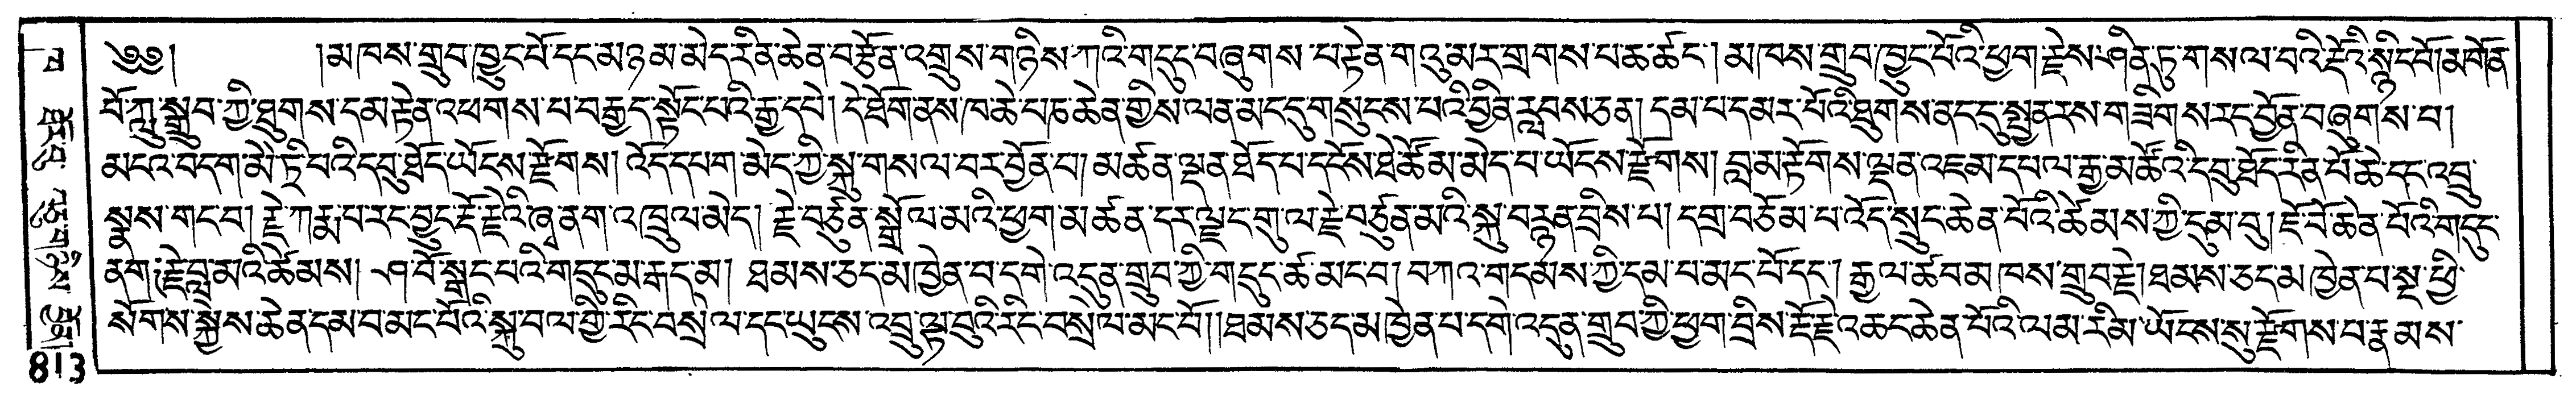༄༅། །མཁས་གྲུབ་ཁྱུང་པོ་དང་མཉམ་མེད་རིན་ཆེན་བརྩོན་འགྲུས་གཉིས་ཀའི་གདུང་བཞུགས་པ་རྟེན་གའུ་མར་གྲགས་པ་ཆ་ཚང་། མཁས་གྲུབ་ཁྱུང་པོའི་ཕྱག་རྗེས་ཤིན་ཏུ་གསལ་བའི་རྡོའི་སྙིང་པོ། མགོན་
པོ་ཀླུ་སྒྲུབ་ཀྱི་ཐུགས་དམ་རྟེན་འཕགས་པ་བརྒྱད་སྟོང་པའི་རྒྱ་དཔེ། དེ་ཐོག་ནས་ཁ་ཆེ་པཎ་ཆེན་གྱིས་ལན་མང་དུ་གསུངས་པའི་བྱིན་རླབས་ཅན། དམ་པ་དམར་པོའི་ཐུགས་ནང་དུ་སྤྱན་རས་གཟིགས་རང་བྱོན་བཞུགས་པ།
མངའ་བདག་མཻ་ཏྲི་པའི་དབུ་ཐོད་ཡོངས་རྫོགས། འོད་དཔག་མེད་ཀྱི་སྐུ་གསལ་བར་བྱོན་པ། མཚན་ལྡན་ཐོད་པ་དངོས་ཐེ་ཚོམ་མེད་པ་ཡོངས་རྫོགས། བླ་མ་རྟོགས་ལྡན་འཇམ་དཔལ་རྒྱ་མཚོའི་དབུ་ཐོད་རིན་པོ་ཆེ་དང་འབྲུ་
སྣས་གང་བ། རྗེ་ཀརྨ་པ་རང་བྱུང་རྡོ་རྗེའི་ཞྭ་ནག་འཁྲུལ་མེད། རྗེ་བཙུན་སྒྲོལ་མའི་ཕྱག་མཚན་དར་ལྗང་གུ་ལ་རྗེ་བཙུན་མའི་སྐུ་བརྙན་བྲིས་པ། དགྲ་བཅོམ་པ་འོད་སྲུང་ཆེན་པོའི་ཚེམས་ཀྱི་དུམ་བུ། ཇོ་བོ་ཆེན་པོའི་གདུང་
ནག༑ རྗེ་བླ་མའི་ཚེམས། ཤ་བོ་སྒང་པའི་གདུང་མ་རྒད་མ། ཐམས་ཅད་མཁྱེན་པ་དགེ་འདུན་གྲུབ་ཀྱི་གདུང་ཚ་མང་བ། བཀའ་གདམས་ཀྱི་དམ་པ་མང་པོ་དང་། རྒྱལ་ཚབ་མཁས་གྲུབ་རྗེ། ཐམས་ཅད་མཁྱེན་པ་སྔ་ཕྱི་
སོགས་སྐྱེས་ཆེན་དམ་པ་མང་པོའི་སྐུ་བལ་གྱི་རིང་བསྲེལ་དང་ཡུངས་འབྲུ་ལྟ་བུའི་རིང་བསྲེལ་མང་པོ། །ཐམས་ཅད་མཁྱེན་པ་དགེ་འདུན་གྲུབ་ཀྱི་ཕྱག་བྲིས་རྡོ་རྗེ་འཆང་ཆེན་པོའི་ལམ་རིམ་ཡོངས་སུ་རྫོགས་པ་རྣམས་